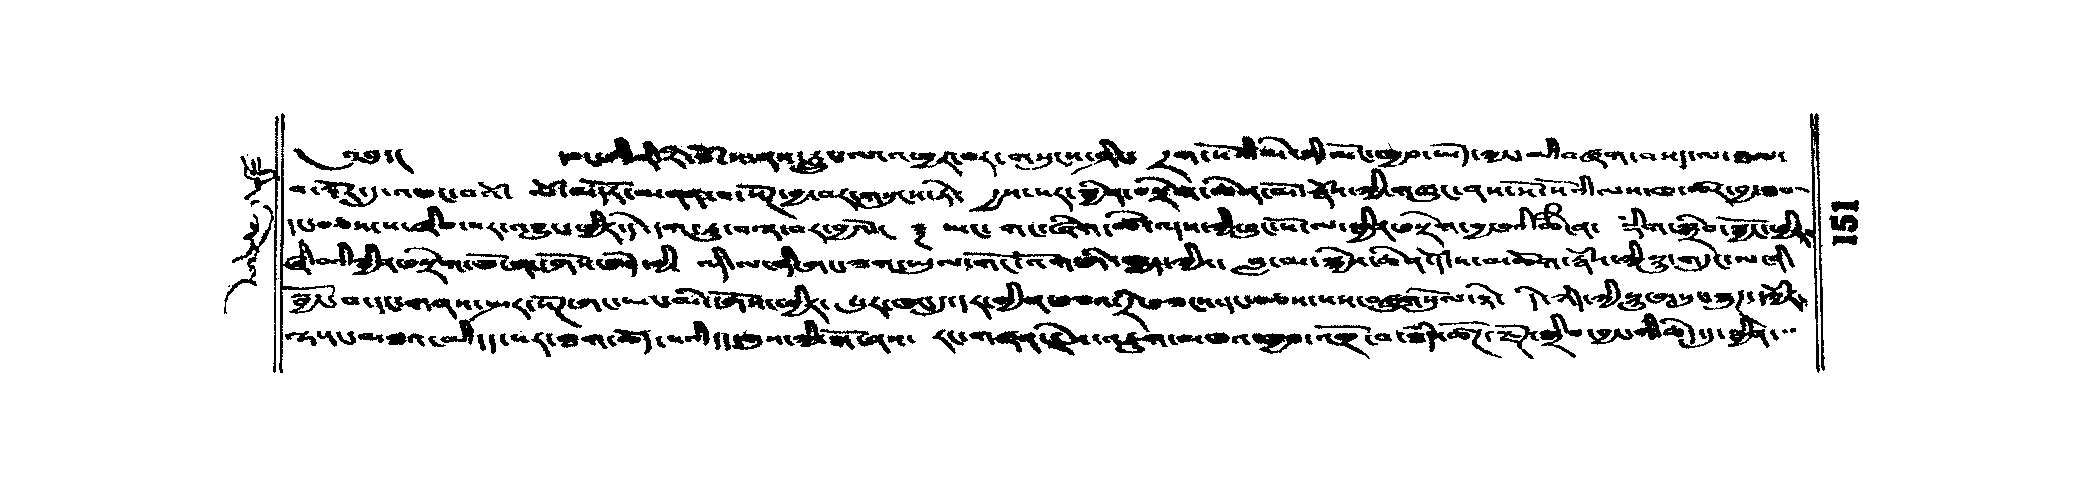དབང་གི་ནི་རི་མཐོ་ས་ནས་རླུང་ལ་འཕྱར་བར་གསུངས་ཤིང་། དྲག་པོའི་མེ་ནི་ལོང་ཁྱབ་ཡོད་ཀྱང་མི་བཞག་བསད་ལ་ཐལ་
བ་ཟོར་དུ་འཕང་བའམ། ལམ་མདོར་མནན་པ་སོགས་བྱ་བར་གསུངས་ཏེ། རྒྱས་པར་སྦྱིན་བསྲེག་ཆེན་མོ་རྣམས་ཀྱི་གཞུང་ནས་སོ་སོའི་ལས་ཁ་ཚར་བྱ་ཐབས་
དང་བཅས་པ་ཞིབ་པར་འབྱུང་ཕྱིར་དེ་དག་ཏུ་བལྟ་བར་བྱའོ། ༈ ཡང་གང་ཞིག་ཚེ་འདས་ཀྱི་ཕུང་པོ་ལ་སྦྱིན་བསྲེག་བྱ་བའི་ཚེ་ན། སྡིག་སྒྲིབ་སྦྱོང་ཕྱིར་
ཞི་བའི་སྦྱིན་སྲེག་ཁོ་ན་དགོས་མོད་ཀྱི། འདི་ལ་ནི་གང་ཟག་ཡུལ་གོང་འོག་གི་ཁྱད་ཀྱིས། བླ་མ་སྐྱེས་ཆེན་དམ་པ་མཆོག་རྣམས་ཀྱི་སྐུ་གདུང་ལ་ནི་
སྦྱོང་བ་དང་གནས་སྤར་སོགས་གང་ཡང་མི་དགོས་ཕྱིར། པུར་ཁང་དུ་དར་གྱི་ན་བཟའ་དྲི་བཟང་དང་བཅས་པས་བཞུགས་སུ་གསོལ་སྟེ།དེ་ཉིད་ཀྱི་སྐུ་གསུང་ཐུགས་དཀྱིལ་འཁོར་
ལྷ་དང་ཐ་མི་དད་པར་ཐག་ཆོད་པའི་དད་གུས་ཀྱི་སྒོ་ནས། རང་གཞན་རྗེས་འཇུག་མཁའ་ཁྱབ་འགྲོ་བ་ཐམས་ཅད་ཚོགས་རྫས་སྒྲིབ་བྱང་གི་ཆེད་དུ་སྦྱིན་